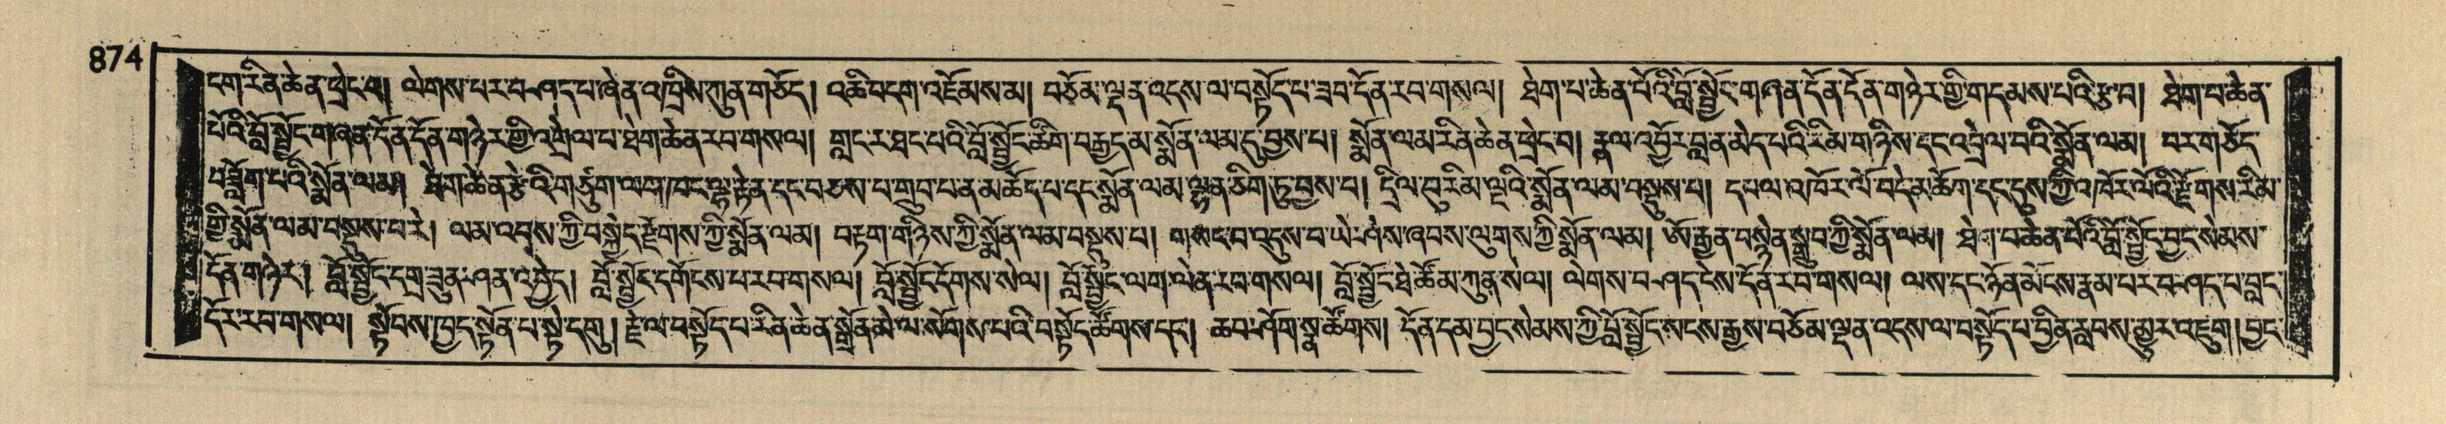ངག་རིན་ཆེན་ཕྲེང་བ། ལེགས་པར་བཤད་པ་ཞེན་འཁྲིས་ཀུན་གཅོད། འཆི་བདག་འཇོམས་མ། བཅོམ་ལྡན་འདས་ལ་བསྟོད་པ་ཟབ་དོན་རབ་གསལ། ཐེག་པ་ཆེན་པོའི་བློ་སྦྱོང་གཞན་དོན་དོན་གཉེར་གྱི་གདམས་པའི་རྩ་བ། ཐེག་པ་ཆེན་
པོའི་བློ་སྦྱོང་གཞན་དོན་དོན་གཉེར་གྱི་འགྲེལ་པ་ཐེག་ཆེན་རབ་གསལ། གླང་ར་ཐང་པའི་བློ་སྦྱོང་ཚིག་བརྒྱད་མ་སྨོན་ལམ་དུ་བྱས་པ། སྨོན་ལམ་རིན་ཆེན་ཕྲེང་བ། རྣལ་འབྱོར་བླ་ན་མེད་པའི་རིམ་གཉིས་དང་འབྲེལ་བའི་སྨོན་ལམ། བར་གཅོད་
བཟློག་པའི་སྨོན་ལམ། ཐེག་ཆེན་རྩེའི་གཙུག་ལག་ཁང་ལྷ་རྟེན་དང་བཅས་པ་གྲུབ་པ་ན་མཆོད་པ་དང་སྨོན་ལམ་ལྷན་ཅིག་ཏུ་བྱས་པ། དྲིལ་བུ་རིམ་ལྔའི་སྨོན་ལམ་བསྡུས་པ། དཔལ་འཁོར་ལོ་བདེ་མཆོག་དང་དུས་ཀྱི་འཁོར་ལོའི་རྫོགས་རིམ་
གྱི་སྨོན་ལམ་བསྡུས་པ་རེ། ལམ་འབྲས་ཀྱི་བསྐྱེད་རྫོགས་ཀྱི་སྨོན་ལམ། བརྟག་གཉིས་ཀྱི་སྨོན་ལམ་བསྡུས་པ། གསང་བ་འདུས་བ་ཡེ་ཤེས་ཞབས་ལུགས་ཀྱི་སྨོན་ལམ། ཨོཾ་རྒྱན་བསྙེན་སྒྲུབ་ཀྱི་སྨོན་ལམ། ཐེག་པ་ཆེན་པོའི་བློ་སྦྱོང་བྱང་སེམས་
དོན་གཉེར། བློ་སྦྱོང་དགྲ་ཟུན་ཤན་འབྱེད། བློ་སྦྱོང་དགོངས་ཕ་རབ་གསལ། བློ་སྦྱོང་དགོས་སེལ། བློ་སྦྱོང་ལག་ལེན་རབ་གསལ། བློ་སྦྱོང་ཐེ་ཚོམ་ཀུན་སེལ། ལེགས་བཤད་ངེས་དོན་རབ་གསལ། ལས་དང་ཉོན་མོངས་རྣམ་པར་བཤད་པ་བླང་
དོར་རབ་གསལ། སྟོབས་ཁྱད་སྟོན་པ་སྟེ་དགུ། རྗེ་ལ་བསྟོད་པ་རིན་ཆེན་སྒྲོན་མེ་ལ་སོགས་པའི་བསྟོད་ཚོགས་དང་། ཆབ་ཤོག་སྣ་ཚོགས། དོན་དམ་བྱང་སེམས་ཀྱི་བློ་སྦྱོང་སངས་རྒྱས་བཅོམ་ལྡན་འདས་ལ་བསྟོད་པ་བྱིན་རླབས་མྱུར་འཇུག། བྱང་